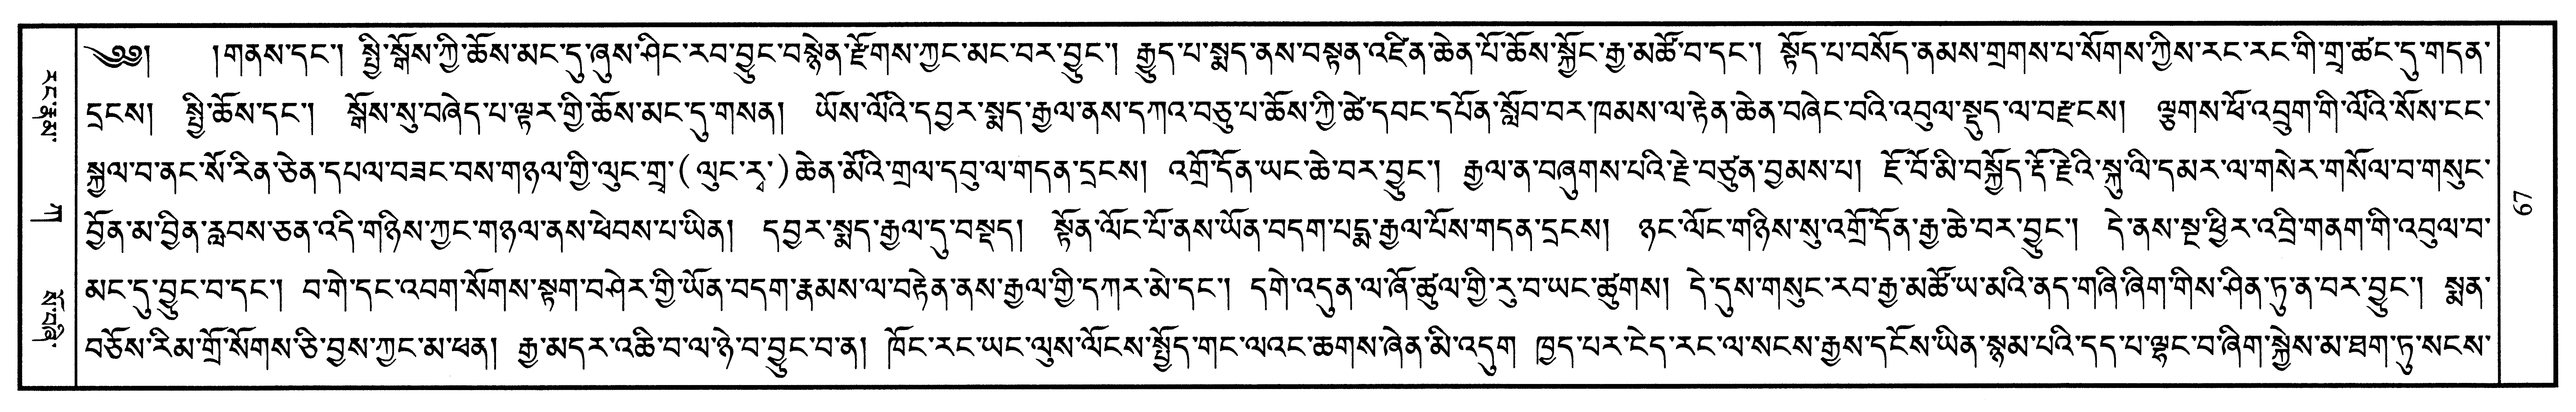༄༅། །གནས་དང་། སྤྱི་སྒོས་ཀྱི་ཆོས་མང་དུ་ཞུས་ཤིང་རབ་བྱུང་བསྙེན་རྫོགས་ཀྱང་མང་བར་བྱུང་། རྒྱུད་པ་སྨད་ན་བསྟན་འཛིན་ཆེན་པོ་ཆོས་སྐྱོང་རྒྱ་མཚོ་བ་དང་། སྟོད་པ་བསོད་ནམས་གྲགས་པ་སོགས་ཀྱིས་རང་རང་གི་གྲྭ་ཚང་དུ་གདན་
དྲངས། སྤྱོ་ཆོས་དང་། སྒོས་སུ་བཞེད་པ་ལྟར་གྱི་ཆོས་མང་དུ་གསན། ཡོས་ལོའི་དབྱར་སྨད་རྒྱལ་ནས་དཀའ་བཅུ་པ་ཆོས་ཀྱི་ཚེ་དབང་དཔོན་སློབ་བར་ཁམས་ལ་རྟེན་ཆེན་བཞེང་བའི་འབུལ་སྡུད་ལ་བརྫངས། ལྕགས་ཕོ་གི་ལོའི་སོས་ངང་
སྐྱལ་བ་ནང་སོ་རིན་ཅེན་དཔལ་བཟང་བས་གཉལ་གྱི་ལུང་གྲྭ་ལུང་རྭ་ཆེན་མོའི་གྲལ་དབུ་ལ་གདན་དྲངས། འགྲོ་དོན་ཡང་ཆེ་བར་བྱུང་། །རྒྱལ་ན་བཞུགས་པའི་རྗེ་བཙུན་བྱམས་པ། ཇོ་བོ་མི་བསྐྱོད་རྡོ་རྗེའི་སྐུ་ལི་དམར་ལ་གསེར་གསོལ་བ་གསུང་
བྱོན་མ་བྱིན་རླབས་ཅན་འདི་གཉིས་ཀྱང་གཉལ་ནས་ཕེབས་པ་ཡིན། དབྱར་སྨད་རྒྱལ་དུ་བསྡད། སྟོན་ལོང་པོ་ནས་ཡོན་བདག་པདམ་རྒྱལ་པོས་གདན་དྲངས། ཉང་ལོང་གཉིས་སུ་འགྲོ་དོན་རྒྱ་ཆེ་བར་བྱུང་། །དེ་ནས་སྔ་ཕྱིར་འབྲི་གནག་གི་འབུལ་བ་
མང་དུ་བྱུང་བ་དང་། བ་གེ་དང་འབག་སོགས་སྟག་བཤེར་གྱི་ཡོན་བདག་རྣམས་ལ་བརྟེན་ནས་རྒྱལ་གྱི་དཀར་མེ་དང་། དགེ་འདུན་ལ་ཞོ་ཚུལ་གྱི་རུ་བ་ཡང་ཚུགས། དེ་དུས་གསུང་རབ་རྒྱ་མཚོ་ཡ་མའི་ནད་གཞི་ཞིག་གིས་ཤིན་ཏུ་ན་བར་བྱུང་། སྨན་
བཅོས་རིམ་གྲོ་སོགས་ཅི་བྱས་ཀྱང་མ་ཕན། རྒྱ་མདར་འཆི་བ་ལ་ཉེ་བ་བྱུང་བ་ན། ཁོང་རང་ཡང་ལུས་ལོངས་སྤྱོད་གང་ལའང་ཆགས་ཞེན་མི་འདུག །ཁྱད་པར་ངེད་རང་ལ་སངས་རྒྱས་དངོས་ཡིན་སྙམ་པའི་དད་པ་ལྷང་བ་ཞིག་སྐྱེས་མ་ཐག་ཏུ་སངས་